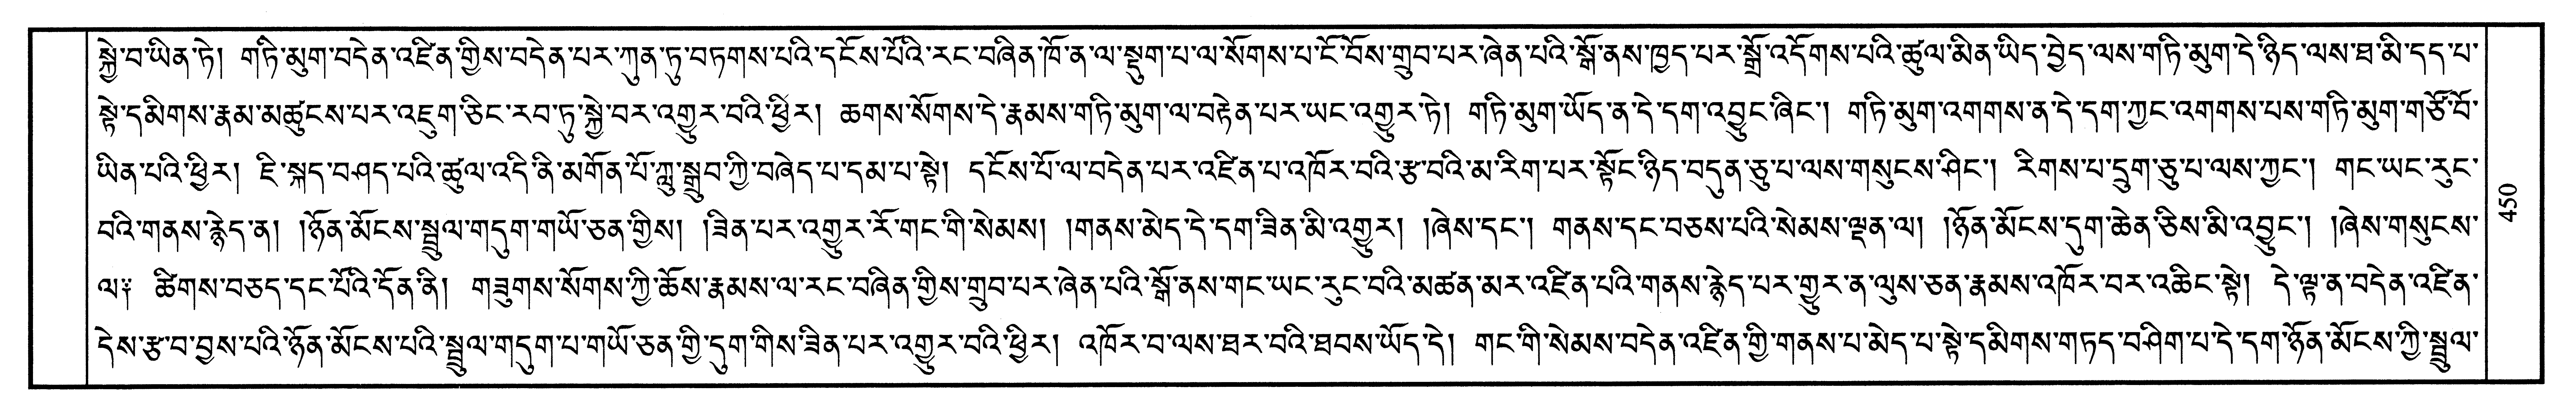སྐྱེ་བ་ཡིན་ཏེ། གཏི་མུག་བདེན་འཛིན་གྱིས་བདེན་པར་ཀུན་ཏུ་བཏགས་པའི་དངོས་པོའི་རང་བཞིན་ཁོ་ན་ལ་སྡུག་པ་ལ་སོགས་པ་ངོ་བོས་གྲུབ་པར་ཞེན་པའི་སྒོ་ནས་ཁྱད་པར་སྒྲོ་འདོགས་པའི་ཚུལ་མིན་ཡིད་བྱེད་ལས་གཏི་མུག་དེ་ཉིད་ལས་ཐ་མི་དད་པ་
སྟེ་དམིགས་རྣམ་མཚུངས་པར་འཇུག་ཅིང་རབ་ཏུ་སྐྱེ་བར་འགྱུར་བའི་ཕྱིར། ཆགས་སོགས་དེ་རྣམས་གཏི་མུག་ལ་བརྟེན་པར་ཡང་འགྱུར་ཏེ། གཏི་མུག་ཡོད་ན་དེ་དག་འབྱུང་ཞིང་། གཏི་མུག་འགགས་ན་དེ་དག་ཀྱང་འགགས་པས་གཏི་མུག་གཙོ་བོ་
ཡིན་པའི་ཕྱིར། ཇི་སྐད་བཤད་པའི་ཚུལ་འདི་ནི་མགོན་པོ་ཀླུ་སྒྲུབ་ཀྱི་བཞེད་པ་དམ་པ་སྟེ། དངོས་པོ་ལ་བདེན་པར་འཛིན་པ་འཁོར་བའི་རྩ་བའི་མ་རིག་པར་སྟོང་ཉིད་བདུན་ཅུ་པ་ལས་གསུངས་ཤིང་། རིགས་པ་དྲུག་ཅུ་པ་ལས་ཀྱང་། གང་ཡང་རུང་
བའི་གནས་རྙེད་ན། །ཉོན་མོངས་སྦྲུལ་གདུག་གཡོ་ཅན་གྱིས། །ཟིན་པར་འགྱུར་རོ་གང་གི་སེམས། །གནས་མེད་དེ་དག་ཟིན་མི་འགྱུར། །ཞེས་དང་། གནས་དང་བཅས་པའི་སེམས་ལྡན་ལ། །ཉོན་མོངས་དུག་ཆེན་ཅིས་མི་འབྱུང་། །ཞེས་གསུངས་
ལ༑ ཚིགས་བཅད་དང་པོའི་དོན་ནི། གཟུགས་སོགས་ཀྱི་ཆོས་རྣམས་ལ་རང་བཞིན་གྱིས་གྲུབ་པར་ཞེན་པའི་སྒོ་ནས་གང་ཡང་རུང་བའི་མཚན་མར་འཛིན་པའི་གནས་རྙེད་པར་གྱུར་ན་ལུས་ཅན་རྣམས་འཁོར་བར་འཆིང་སྟེ། དེ་ལྟ་ན་བདེན་འཛིན་
དེས་རྩ་བ་བྱས་པའི་ཉོན་མོངས་པའི་སྦྲུལ་གདུག་པ་གཡོ་ཅན་གྱི་དུག་གིས་ཟིན་པར་འགྱུར་བའི་ཕྱིར། འཁོར་བ་ལས་ཐར་བའི་ཐབས་ཡོད་དེ། གང་གི་སེམས་བདེན་འཛིན་གྱི་གནས་པ་མེད་པ་སྟེ་དམིགས་གཏད་བཤིག་པ་དེ་དག་ཉོན་མོངས་ཀྱི་སྦྲུལ་